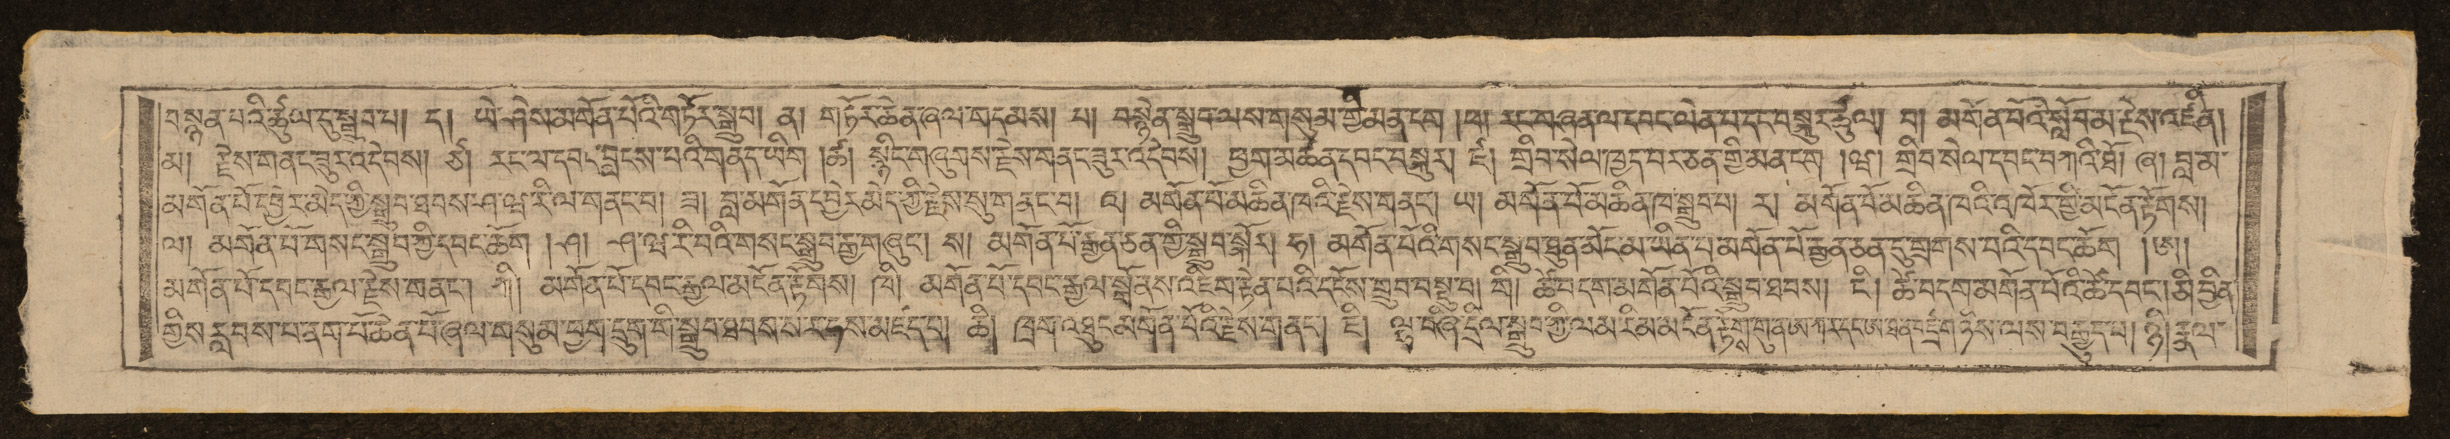བསྙན་པའི་ཚུལ་དུ་སྒྲུབ་པ། ད། ཡེ་ཤེས་མགོན་པོའི་གཏོར་སྒྲུབ། ན། གཏོར་ཆེན་ཞལ་གདམས། པ། བསྙེན་སྒྲུབ་ལས་གསུམ་གྱི་མན་ངག །ཕ། རང་གཞན་ལ་དབང་ལེན་པ་དང་བསྐུར་ཚུལ། བ། མགོན་པོའི་སློབ་མ་རྗེས་འཛིན།
མ། རྗེས་གནང་ཟུར་འདེབས། ཙ། རང་ལ་དབང་བླངས་པའི་གནད་ཡིག །ཚ། སྙིང་གཞུགས་རྗེས་གནང་ཟུར་འདེབས། ཕྱག་མཚན་དབང་བསྐུར། ཛ། གྲིབ་སེལ་ཁྱད་པར་ཅན་གྱི་མན་ངག །ཝ། གྲིབ་སེལ་དབང་བཀའི་ཐོ། ཞ། བླ་མ་
མགོན་པོ་དབྱེར་མེད་ཀྱི་སྒྲུབ་ཐབས་ཤ་ཝ་རིལ་གནང་བ། ཟ། བླ་མགོན་དབྱེར་མེད་ཀྱི་རྗེས་སུ་གནང་བ། འ། མགོན་པོ་མཚན་ཁའི་རྗེས་གནང་། ཡ། མགོན་པོ་མཆིན་ཁ་སྒྲུབ་པ། ར། མགོན་པོ་མཆིན་ཁའི་འཁོར་གྱི་མངོན་རྟོགས།
ལ། མགོན་པོ་གསང་སྒྲུབ་ཀྱི་དབང་ཆོག །ཤ། ཤ་ཝ་རི་བའི་གསང་སྒྲུབ་རྒྱ་གཞུང་། ས། མགོན་པོ་རྒྱན་ཅན་གྱི་སྒྲུབ་སྐོར། ཧ། མགོན་པོའི་གསང་སྒྲུབ་ཐུན་མོང་མ་ཡིན་པ་མགོན་པོ་རྒྱན་ཅན་དུ་གྲགས་པའི་དབང་ཆོག །ཨ།
མགོན་པོ་དབང་རྒྱལ་རྗེས་གནང་། ཀི། མགོན་པོ་དབང་རྒྱལ་མངོན་རྟོགས། ཁི། མགོན་པོ་དབང་རྒྱལ་སྒོ་ནས་འཇིག་རྟེན་པའི་དངོས་གྲུབ་བསྡུ་བ། གི། ཚེ་བདག་མགོན་པོའི་སྒྲུབ་ཐབས། ངི། ཚེ་བདག་མགོན་པོའི་ཚེ་དབང་། ཅི། བྱིན་
གྱིས་རླབས་པ་ནག་པོ་ཆེན་པོ་ཞལ་གསུམ་ཕྱག་དྲུག་གི་སྒྲུབ་ཐབས་ས་ར་ཧས་མཛད་པ། ཆི། ཁྲག་འཐུང་མགོན་པོའི་རྗེས་གནང་། ཇི། ལྷ་བཞི་དྲིལ་སྒྲུབ་ཀྱི་ལམ་རིམ་མངོན་རྟོགས་གུན་ཨ་ཀ་ར་དང་ཨ་ཐ་ན་བརྫྲ་གཉིས་ལས་བརྒྱུད་པ། ཉི། རྣལ་